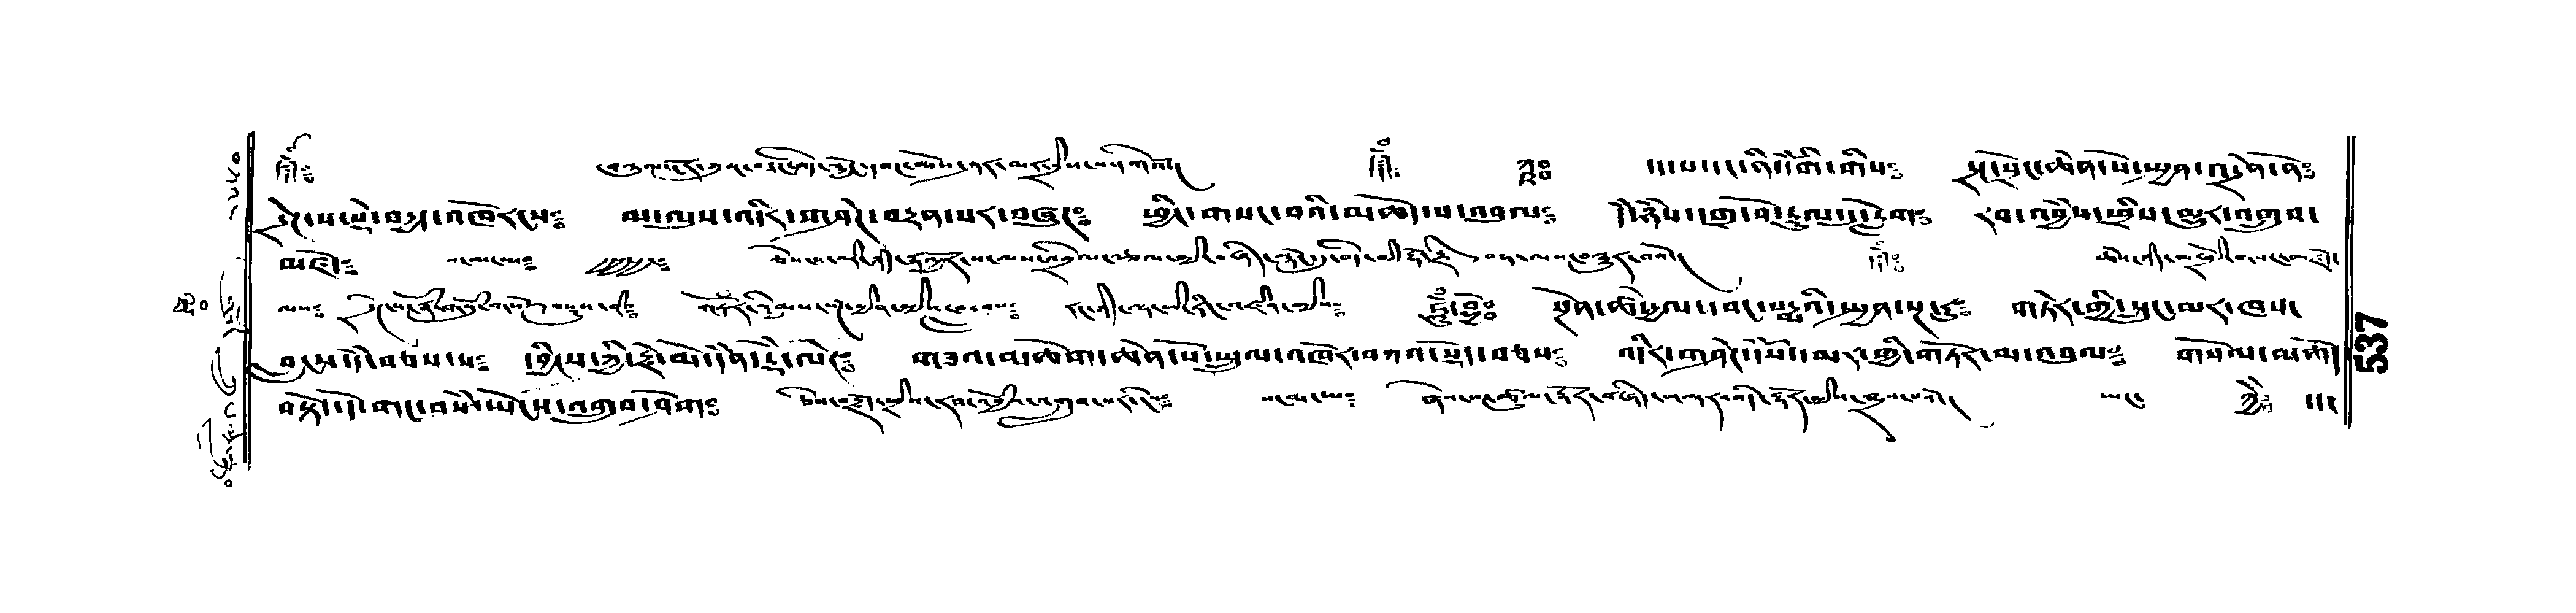བསྐུལ་ངོར་ཀུན་བཟང་བདེ་སྐྱོང་དབང་མོས་ཤར་མར་བྲིས་པ་དགེའོ།། ཀྵ༔ དད་པ་དང་ནི་དམ་ཚིག་གིས༔ དྲང་སྲོང་ཆེན་པོ་སྤྱན་འདྲེན་ནོ༔ 
དྲེགས་པ་སྡེ་བརྒྱད་འཁོར་དང་བཅས༔ མ་ལུས་འདིར་གཤེགས་བརྟན་པར་བཞུགས༔ ཕྱི་ནང་གསང་བའི་མཆོད་པ་འབུལ༔ དམ་ཉམས་དགྲ་བོ་རྡུལ་དུ་རློག༔ རབ་འབྱམས་ཕྲིན་ལས་མྱུར་འགྲུབ་
མཛོད༔ས་མ་ཡ༔ རྒྱ་རྒྱ་རྒྱ༔ ཞེས་པ་འདི་ཉིད་རྣལ་འབྱོར་པ་ལས་འབྲེལ་རྩལ་གྱི་བཞེད་སྐོང་དུ་བདེ་བའི་རྡོ་རྗེས་བརྡ་ལས་བསྒྱུར་བའོ།། ཆོས་ཉིད་མཁའ་འགྲོའི་གསང་མཛོད་ལས༔ 
དྲེགས་པ་རྣམ་གསུམ་གསོལ་བསྡུས་ནི༔ གཏོར་སྐྱེམས་སོགས་བྱིན་གྱིས་བརླབས༔ རང་ཉིད་ལྷ་ཡི་ཏིང་འཛིན་གྱིས༔ ཧཱུྃ་བྷྱོཿ སྔོན་ཚེ་རྒྱལ་དབང་པདྨའི་སྤྱན་སྔ་རུ༔ གཏེར་གྱི་སྲུང་མར་ཁས་
བླངས་དམ་བཅས་པ༔ དབྱིངས་ཀྱི་རྗེ་མོ་དམ་ཅན་རྡོ་རྗེ་ལེགས༔ གཟའ་མཆོག་ཆེན་པོ་སྤྲུལ་འཁོར་བཀའ་སྡོད་བཅས༔ འདིར་གཤེགས་དམ་རྫས་དམར་གྱི་གཏོར་མ་འབུལ༔ གསོལ་མཆོད་
བསྟོད་དོ་གང་བསམ་ཡོངས་འགྲུབ་ཤོག༔ ཅེས་བརྗོད་ཕྲིན་ལས་རབ་འབྱམས་འགྲུབ་པར་ངེས༔ ས་མ་ཡ༔ ཞེས་པ་ཚུལ་རྡོར་བཞེད་པ་ལྟར་བདེ་རྡོར་གྱིས་སྨྲས་པའོ།། ཡང༔ ཀྱཻ༔ དད་